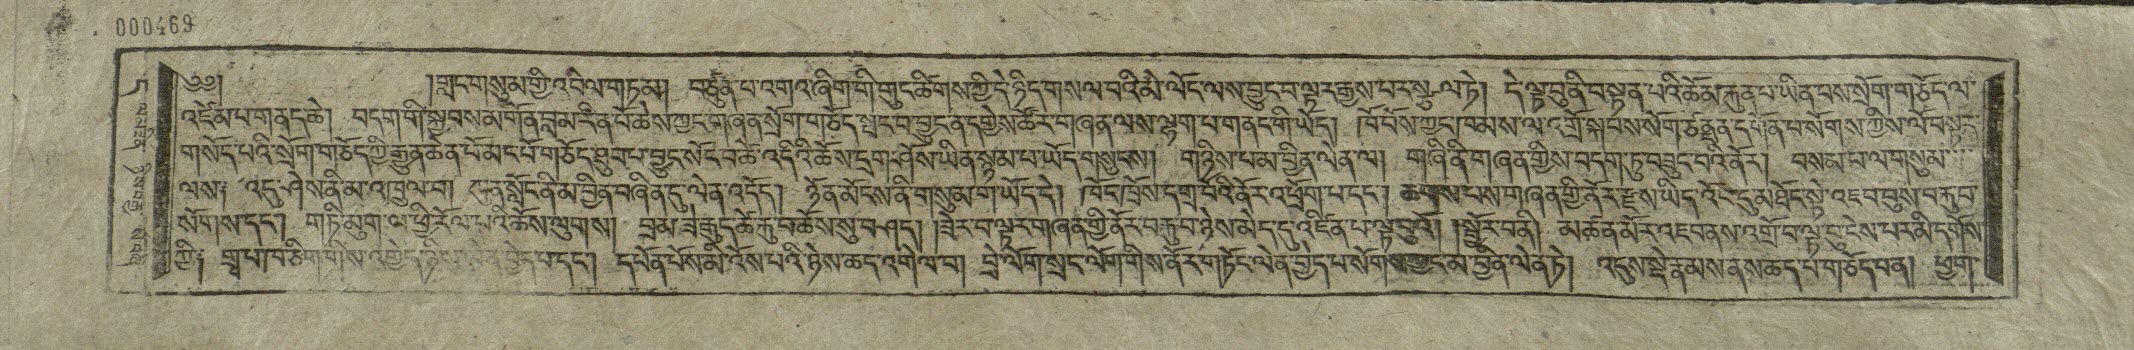༄༅། །གླང་གསུམ་གྱི་འབེལ་གཏམ། བཙུན་པ་འགའ་ཞིག་གི་གུང་ཚིགས་ཀྱི་དེ་ཉིད་གསལ་བའི་མེ་ལོང་ལས་བྱུང་བ་ལྟར་རྒྱས་པར་སྩལ་ཏེ། དེ་ལྟ་བུ་ནི་བསྟན་པའི་ཆོམ་རྐུན་པ་ཡིན་པས་སྲོག་གཅོད་ལ་
འཛེམ་པ་གནད་ཆེ། བདག་གི་སྐྱབས་མགོན་བླ་མ་རིན་པོ་ཆེས་ཀྱང་གཞན་སྲོག་གཅོད་སྤང་བ་བྱུང་ན་དགྱེས་ཚོར་གཞན་ལས་ལྷག་པ་གནང་གི་ཡོད། ཁོ་བོས་ཀྱང་ཁམས་ལ་འགྲོ་སྐབས་སོག་ཙནྡན་དགོན་པ་སོགས་ཀྱིས་ལོ་བསྟར་
གསོད་པའི་སྲོག་གཅོད་ཀྱི་རྒྱུན་ཆེན་པོ་མང་པོ་གཅོད་ཐུབ་པ་བྱུང་སོང་བ་ཚེ་འདིའི་ཆོས་དྲག་ཤོས་ཡིན་སྙམ་པ་ཡོད་གསུངས། གཉིས་པ་མ་བྱིན་ལེན་ལ། གཞི་ནི་གཞན་གྱིས་བདག་ཏུ་བཟུང་བའི་ནོར། བསམ་པ་ལ་གསུམ་
ལས༑ འདུ་ཤེས་ནི་མ་འཁྲུལ་བ། ཀུན་སློང་ནི་མ་བྱིན་བཞིན་དུ་ལེན་འདོད། ཉོན་མོངས་ནི་གསུམ་ག་ཡོད་དེ། ཁོང་ཁྲོས་དགྲ་བོའི་ནོར་འཕྲོག་པ་དང་། ཆགས་པས་གཞན་གྱི་ནོར་རྫས་ཡིད་འོང་དུ་མཐོང་སྟེ་འཇབ་བུས་བརྐུ་བ་
སོགས་དང་། གཏི་མུག་ལ་ཕྱི་རོལ་པའི་ཆོས་ལུགས། བྲམ་ཟེ་རྒུད་ཚེ་རྐུ་བ་ཆོས་སུ་བཤད། །ཟེར་བ་ལྟར་གཞན་གྱི་ནོར་བརྐུ་བ་ཉེས་མེད་དུ་འཛིན་པ་ལྟ་བུའོ། །སྦྱོར་བ་ནི། མཚན་མོར་འཇབ་ནས་འགྲོ་བ་ལྟ་བུ་ངེས་པར་མི་དགོས་
ཀྱི༑ གྲྭ་པ་ཁ་ཅིག་གིས་འགྱེད་ཉིས་ལེན་བྱེད་པ་དང་། དཔོན་པོས་མི་འོས་པའི་ཉེས་ཆད་འགེལ་བ། བྲེ་ལོག་སྲང་ལོག་གིས་ནོར་གཏོང་ལེན་བྱེད་པ་སོགས་ཀྱང་མ་བྱིན་ལེན་ཏེ། འདུས་སྡེ་རྣམས་ནས་ཆད་པ་གཅོད་པ་ན། ཕྱག་